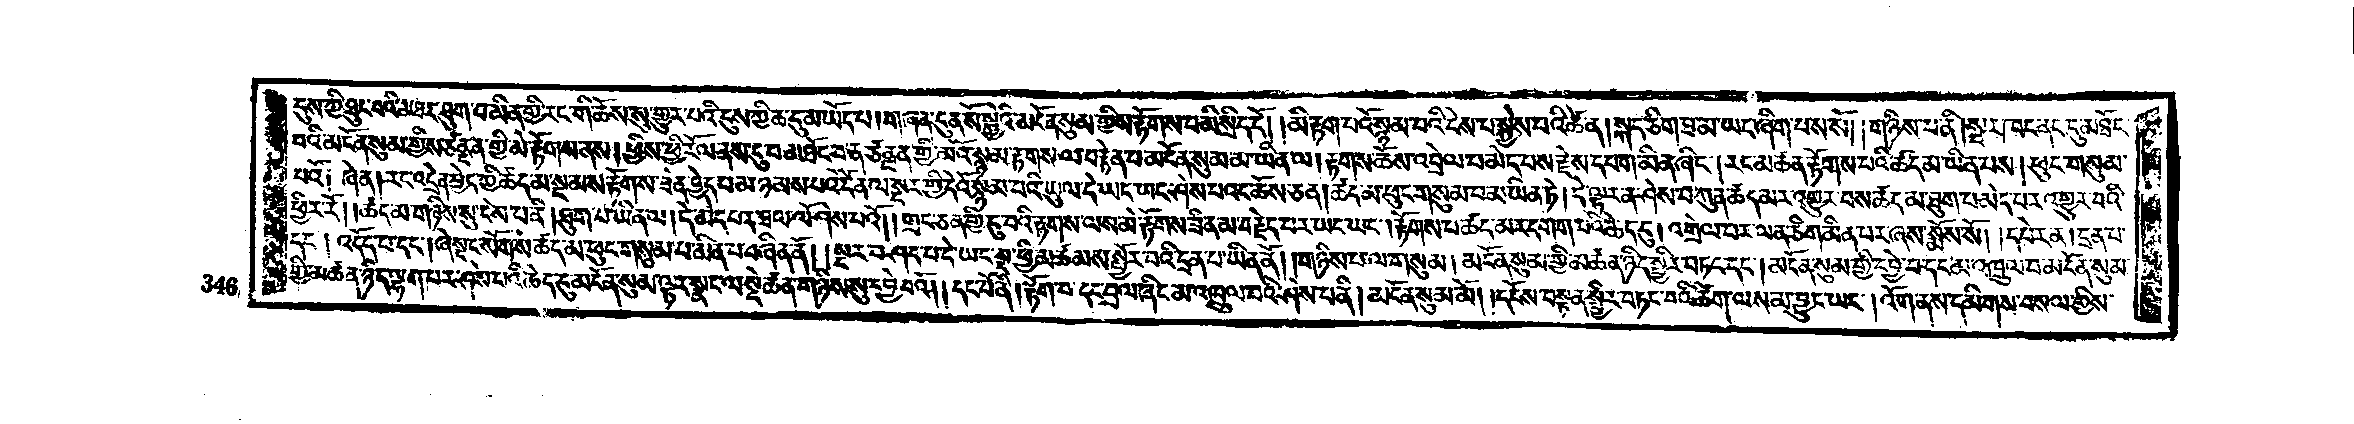དུས་ཀྱི་ཐུང་བའི་མཐར་ཐུག་པ་མིན་གྱི་རང་གི་ཆོས་སུ་གྱུར་པའི་དུས་ཀྱི་ཆ་དུ་མ་ཡོད་པ། གཞན་དུན་སོ་སྐྱེའི་མངོན་སུམ་གྱིས་རྟོགས་པ་མི་སྲིད་དོ། །མི་རྟག་པའོ་སྙམ་པའི་ངེས་པ་སྐྱེས་པའི་ཚེ་ན། སྐད་ཅིག་ཐ་མ་ཡང་ཞིག་པས་སོ། །གཉིས་པ་ནི། སྤར་ཁང་ནང་དུ་མཐོང་
བའི་མངོན་སུམ་གྱིས་ཙནྡན་གྱི་མེ་རྟོགས་ནས། ཕྱིས་ཕྱི་རོལ་ནས་དུ་བ་མཐོང་བ་ན་ཙནྡན་གྱི་མའོ་སྙམ་རྟགས་ལ་བརྟེན་པ་མངོན་སུམ་མ་ཡིན་ལ། རྟགས་ཆོས་འབྲེལ་བ་མེད་པས་རྗེས་དཔག་མིན་ཞིང་། རང་མཚན་རྟོགས་པའི་ཚད་མ་ཡིན་པས། ཕུང་གསུམ་
པའོ། ཞེ་ན། རང་འདྲེན་བྱེད་ཀྱི་ཚད་མ་སྔ་མས་རྟོགས་ཟིན་བྱེད་པ་མ་ཉམས་པའི་དོན་ལ་སྔར་གྱི་དེའོ་སྙམ་པའི་ཡུལ་དེ་ཡང་ཡང་ཤེས་པའང་ཆོས་ཅན། ཚད་མ་ཕུང་གསུམ་པ་མ་ཡིན་ཏེ། དེ་ལྟར་ན་ཤེས་པ་ཀུན་ཚད་མར་འགྱུར་བས་ཚད་མ་ཐུག་པ་མེད་པར་འགྱུར་བའི་
ཕྱིར་རོ། །ཚད་མ་གཉིས་སུ་ངེས་པ་ནི། ཐུག་པ་ཡིན་ལ། དེ་མེད་པར་ཐལ་ལོ་ཤེས་པའོ། །གྲང་ཅན་གྱི་དུ་བའི་རྟགས་ལས་མེ་རྟོགས་ཟིན་མ་བརྗོད་པར་ཡང་ཡང་། རྟོགས་པ་ཚད་མར་དགག་པའི་ཆེད་དུ། འགྲེལ་བར་ལན་ཅིག་མིན་པར་ཞས་སྨོས་སོ། །དཔེར་ན། དྲན་པ་
དང་། འདོད་པ་དང་། ཞེ་སྡང་སོགས་ཚད་མ་ཕུང་གསུམ་པ་མིན་པ་བཞིན་ནོ། །སྔར་བཤད་པ་དེ་ཡང་སྔ་ཕྱི་མཚམས་སྦྱོར་བའི་དྲན་པ་ཡིན་ནོ། །གཉིས་པ་ལ་གསུམ། མངོན་སུམ་གྱི་མཚན་ཉིད་སྤྱིར་བཏང་དང་། མངོན་སུམ་གྱི་དབྱེ་བ་དང་མ་འཁྲུལ་བ་མངོན་སུམ་
གྱི་མཚན་ཉིད་ལྷག་པར་ཤེས་པའི་ཆེད་དུ་མངོན་སུམ་ལྟར་སྣང་ལ་སྡེ་ཚན་གཉིས་སུ་དབྱེ་བའོ། །དང་པོ་ནི། རྟོག་པ་དང་བྲལ་ཞིང་མ་འཁྲུལ་བའི་ཤེས་པ་ནི། མངོན་སུམ་མོ། །དངོས་བསྟན་སྤྱིར་བཏང་བའི་ཚིག་ལས་མ་བྱུང་ཡང་། འོག་ནས་དམིགས་བསལ་གྱིས་